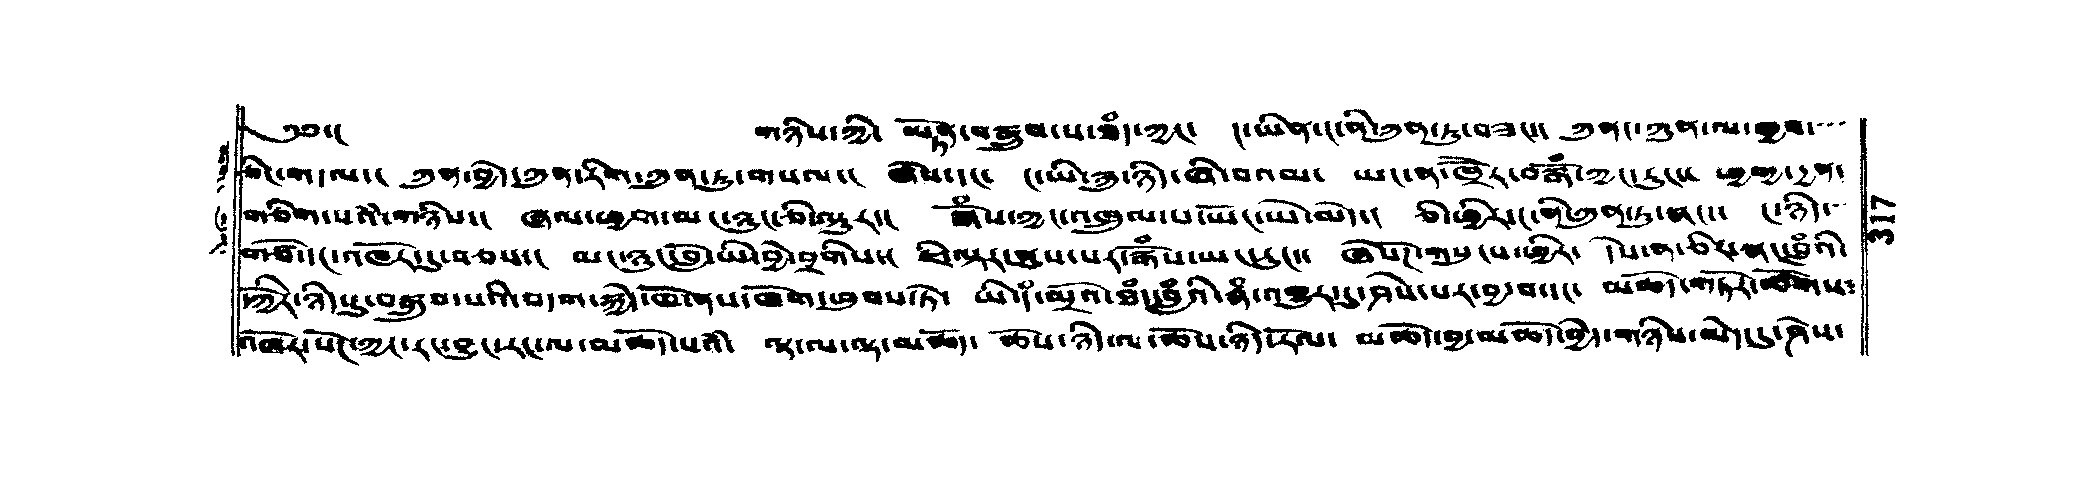གཉིས་ཀྱི། །ཡོན་ཏན་བསྒྲུབ་པ་ཐམས་ཅད་ཀྱང་། །ང་ཡིན་ང་ནི་ཀུན་ཏུ་བཟང་། །ཀུནང་ཀུན་ལ་ཁྱབ་
ཅིང་གདལ། །ཀུན་བྱེད་ཀུན་རིག་ཀུན་ཏུ་གསལ། །ཞེས་དང་།ང་ཡི་སྐུ་ཉིད་ཞི་བའམ། །ཡང་ན་ཁྲོ་བོར་བསྒོམ་ཀྱང་རུང་། །ཕྱག་རྒྱན་
གཅིག་པའམ་གཉིས། ཞལ་ཕྱག་མང་ཉུང་ཅི་ལྟ་བུར། སྒོམས་ཀྱང་འཁྲུལ་བ་ཡོང་ཡེ་མེད། །ཅི་ཕྱིར་ང་ནི་ཀུན་ཏུ་སྣང་། །ང་ཉིད་
གཙོ་དང་འཁོར་དུ་བཅས། །མང་ཉུང་བློ་ཡི་བྱེ་བྲག་གིས། །ཇི་ལྟར་ནུས་པ་སྒོམས་ཀྱང་རུང་། །ཞེས་སོགས་གསུངས་ཕྱིར། དེས་ན་ཅིར་སྣང་བླ་མའི་
དཀྱིལ་འཁོར་ཉིད་དུ་བསྒྲུབ་པའི་བདག་བསྐྱེད་ཁོ་ནས་ཁོག་ཕུབས་ཏེ། ཡི་དམ་མཁའ་འགྲོ་ཐམས་ཅད་བླ་མའི་རྣམ་འགྱར་དུ་ཤེས་པར་བྱ་བ་དང་། མཆོད་གཏོར་ཚོགས་
འཁོར་སོགས་ཀྱང་རང་བྱུང་རང་ལ་མཆོད་པའམ། ལྷ་ལ་ལྷ་མཆོད། ཆོས་ཉིད་ལ་ཆོས་ཉིད་རོལ། མཆོད་བྱ་མཆོད་བྱེད་གཉིས་མེད་དུ་ཤེས་